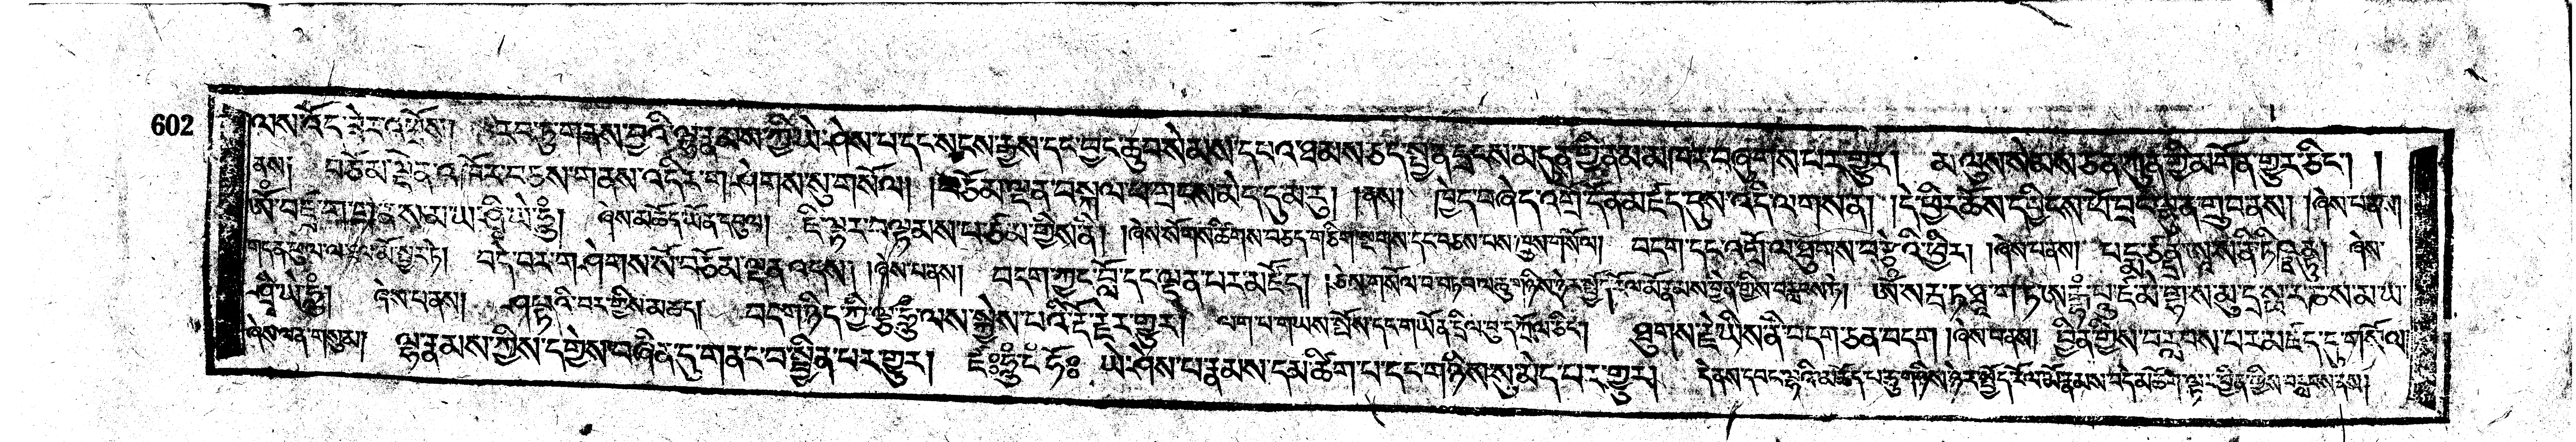ལས་འོད་ཟེར་འཕྲོས། རབ་ཏུ་གནས་བྱའི་ལྷ་རྣམས་ཀྱི་ཡེ་ཤེས་པ་དང་སངས་རྒྱས་དང་བྱང་ཆུབ་སེམས་དཔའ་ཐམས་ཅད་སྤྱན་དྲངས་མདུན་གྱི་ནམ་མཁར་བཞུགས་པར་གྱུར། མ་ལུས་སེམས་ཅན་ཀུན་གྱི་མགོན་གྱུར་ཅིང་། །
ནས༑  བཅོམ་ལྡན་འཁོར་བཅས་གནས་འདིར་གཤེགས་སུ་གསོལ། །བཅོམ་ལྡན་བསྐལ་པ་གྲངས་མེད་དུ་མ་རུ། །ནས།  ཁྱེད་བཞེད་འགྲོ་དོན་མཛད་དུས་འདི་ལགས་ན། །དེ་ཕྱིར་ཆོས་དབྱིངས་ཕོ་བྲང་ལྷུན་གྲུབ་ནས། །ཞེས་པ་ནས།
ཨོཾ་བཛྲ་ག་ག་ན་ས་མ་ཡ་ཤྲཱི་ཡེ་ཧཱུཾ། ཞེས་མཆོད་ཡོན་དབུལ།  ཇི་ལྟར་བལྟམས་པ་ཙམ་གྱིས་ནི། །ཞེས་སོགས་ཚིགས་བཅད་གཅིག་སྔགས་དང་བཅས་པས་ཁྲུས་གསོལ།  བདག་དང་འགྲོ་ལ་ཐུགས་བརྩེའི་ཕྱིར། །ཞེས་པ་ནས།  པདམ་ཙནྡྲ་ཨཱ་ས་ནི་ཏིཥཊཿཨནྟུ། ཞེས་
གདན་ཕུལ་ལ་ཐལ་མོ་སྦྱར་ཏེ། བདེ་བར་གཤེགས་སོ་བཅོམ་ལྡན་འདས། །ཞེས་པ་ནས།  བདག་ཀྱང་བློ་དང་ལྡན་པར་མཛོད། །ཅེས་གསོལ་བ་བཏབ་ལ་ཆུ་གཉིས་ཉེར་སྤྱོད་རོལ་མོ་རྣམས་བྱིན་གྱིས་བརླབས་ཏེ།  ཨོཾ་སརྦ་ཏ་ཐཱ་ག་ཏ་ཨརྒྷཾ་པཱུ་ཛ་མེ་གྷ་ས་མུ་དྲ་སྥ་ར་ཎ་ས་མ་ཡ་
ཤྲཱི་ཡེ་ཧཱུཾ། ཞེས་པ་ནས།  ཤཔྟའི་བར་གྱིས་མཆོད།  བདག་ཉིད་ཀྱི་ལྕེ་ཧཱུཾ་ལས་སྐྱེས་པའི་རྡོ་རྗེར་གྱུར། ལག་པ་གཡས་སྤོས་དང་གཡོན་དྲིལ་བུ་དཀྲོལ་ཅིང་།  ཐུགས་རྗེ་ཡིས་ནི་བདག་ཅན་བདག་།ཞེས་པ་ནས།  བྱིན་གྱིས་བརླབས་བར་མཛད་དུ་གསོལ་
ཞེས་ལན་གསུམ།  ལྷ་རྣམས་ཀྱིས་དགྱེས་བཞིན་དུ་གནང་བ་སྦྱིན་པར་གྱུར། ཛཿཧཱུཾ་བཾ་ཧོཿ ཡེ་ཤེས་པ་རྣམས་དམ་ཚིག་པ་དང་གཉིས་སུ་མེད་པར་གྱུར། དེ་ནས་དབང་ལྷའི་མཆོད་པ་ཆུ་གཉིས་ཉེར་སྤྱོད་རོལ་མོ་རྣམས་བདེ་མཆོག་ལྟར་བྱིན་གྱིས་བརླབས་ནས།